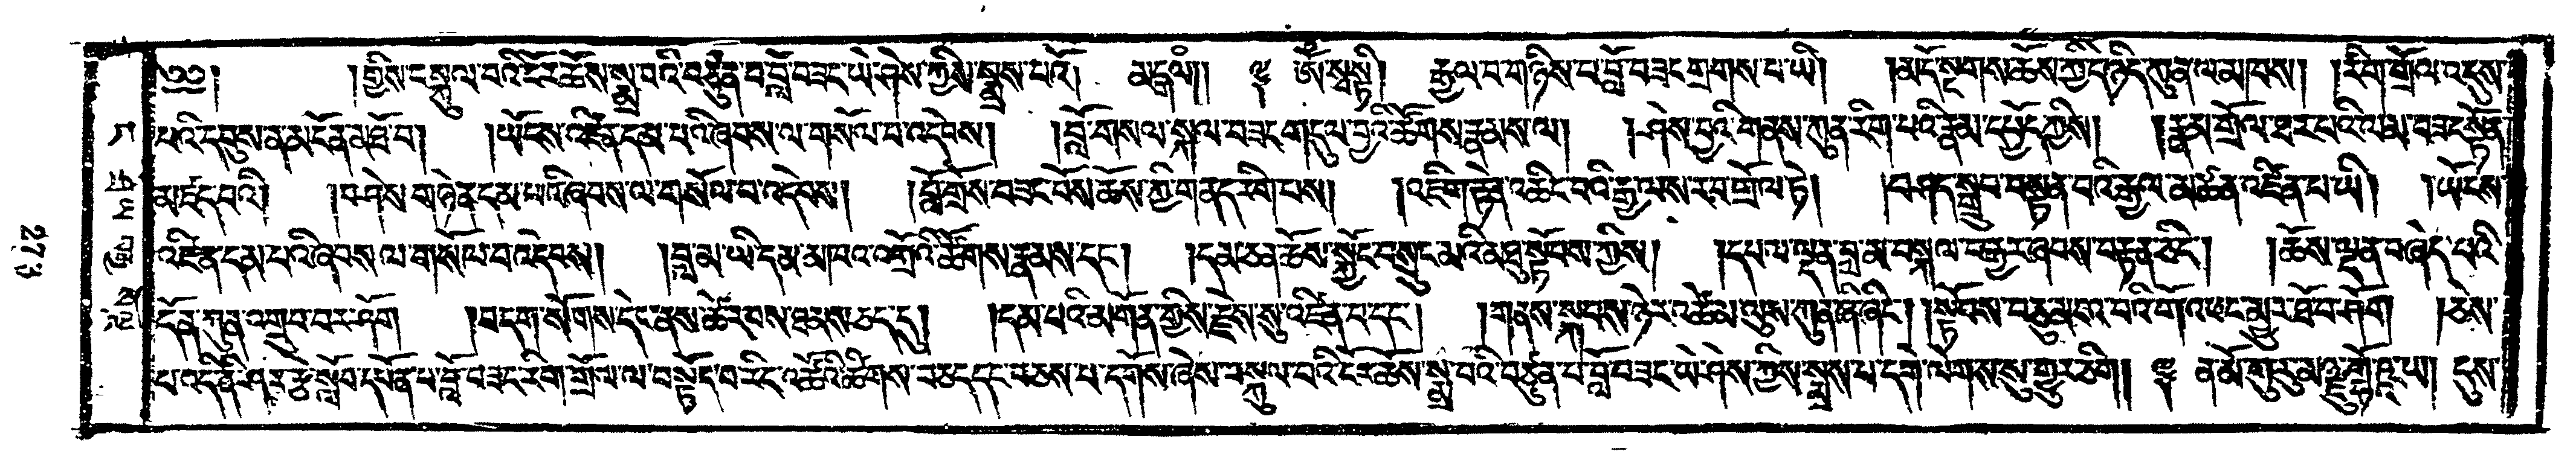༄༅། །གྱིས་བསྐུལ་བའི་ངོར་ཆོས་སྨྲ་བའི་བཙུན་པ་བློ་བཟང་ཡེ་ཤེས་ཀྱིས་སྨྲས་པའོ། མངྒལཾ།། ༈ ཨོཾ་སྭསྟི། རྒྱལ་བ་གཉིས་པ་བློ་བཟང་གྲགས་པ་ཡི། །མདོ་སྔགས་ཆོས་ཀྱི་དེ་ཉིད་ཀུན་ལ་མཁས། །རིག་གྲོལ་འདུས་
པའི་དབུས་ན་མངོན་མཐོ་བ། །ཡོངས་འཛིན་དམ་པའི་ཞབས་ལ་གསོལ་བ་འདེབས། །བློ་གསལ་སྐལ་བཟང་གདུལ་བྱའི་ཚོགས་རྣམས་ལ། །ཤེས་བྱའི་གནས་ཀུན་རིག་པའི་རྣམ་དཔྱོད་ཀྱིས། །རྣམ་གྲོལ་ཐར་པའི་ལམ་བཟང་སྟོན་
མཛད་པའི། །བཤེས་གཉེན་དམ་པའི་ཞབས་ལ་གསོལ་བ་འདེབས། །བློ་གྲོས་བཟང་པོས་ཆོས་ཀྱི་གནད་རིག་པས། །འཇིག་རྟེན་འཆིང་བའི་རྒྱ་ལས་རབ་གྲོལ་ཏེ། །བཤད་སྒྲུབ་བསྟན་པའི་རྒྱལ་མཚན་འཛིན་པ་ཡི། །ཡོངས་
འཛིན་དམ་པའི་ཞབས་ལ་གསོལ་བ་འདེབས། །བླ་མ་ཡི་དམ་མཁའ་འགྲོའི་ཚོགས་རྣམས་དང་། །དམ་ཅན་ཆོས་སྐྱོང་བསྲུང་མའི་མཐུ་སྟོབས་ཀྱིས། །དཔལ་ལྡན་བླ་མ་བསྐལ་བརྒྱར་ཞབས་བརྟན་ཅིང་། །ཆོས་ལྡན་བཞེད་པའི་
དོན་ཀུན་འགྲུབ་བར་ཤོག །བདག་སོགས་དེང་ནས་ཚེ་རབས་ཐམས་ཅད་དུ། །དམ་པའི་མགོན་གྱིས་རྗེས་སུ་འཛིན་པ་དང་། །གནས་སྐབས་ཉེར་འཚེ་མ་ལུས་ཀུན་ཞི་ཞིང་། །སྟོབས་བཅུ་མངའ་བའི་གོ་འཕང་མྱུར་ཐོབ་ཤོག །ཅེས་
པ་འདི་ནི་ཤར་རྩེ་སློབ་དཔོན་པ་བློ་བཟང་རིག་གྲོལ་ལ་བསྟོད་པ་རིང་འཚོའི་ཚིགས་བཅད་དང་བཅས་པ་དགོས་ཞེས་བསྐུལ་བའི་ངོར་ཆོས་སྨྲ་བའི་བཙུན་པ་བློ་བཟང་ཡེ་ཤེས་ཀྱིས་སྨྲས་པ་དགེ་ལེགས་སུ་གྱུར་ཅིག། ༈ ན་མོ་གུ་རུ་མཉྫུ་གྷོ་ཥཱ་ཡ། དུས་